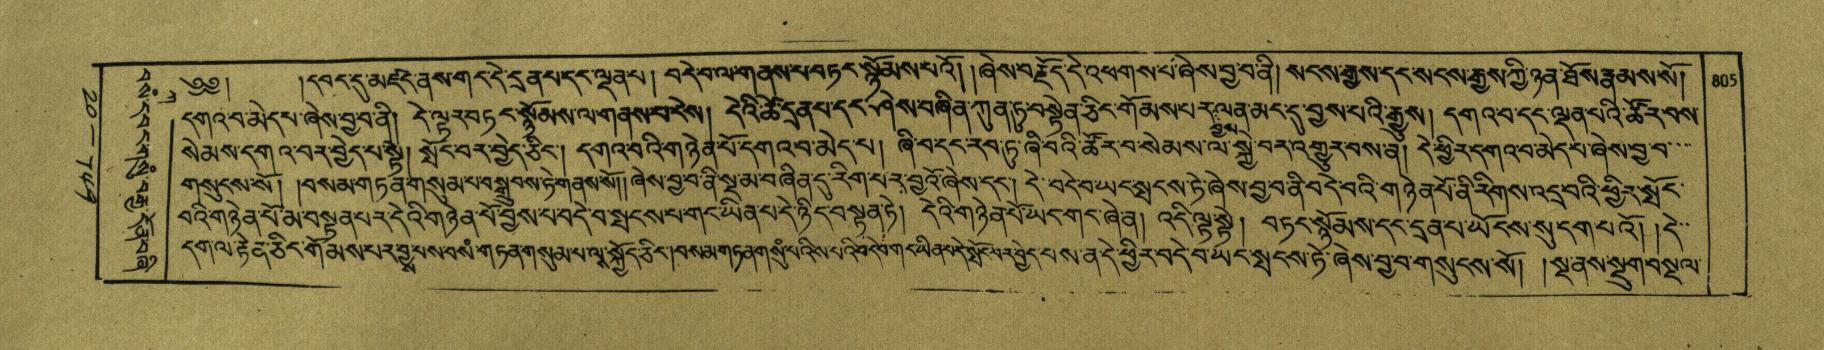༄༅། །དབང་དུ་མཛད་ནས་གང་དེ་དྲན་པ་དང་ལྡན་པ། བདེ་བ་ལ་གནས་པ་བཏང་སྙོམས་པའོ། །ཞེས་བརྗོད་དེ་འཕགས་པ་ཞེས་བྱ་བ་ནི། སངས་རྒྱས་དང་སངས་རྒྱས་ཀྱི་ཉན་ཐོས་རྣམས་སོ།
དགའ་བ་མེད་པ་ཞེས་བྱ་བ་ནི། དེ་ལྟར་བཏང་སྙོམས་ལ་གནས་པ་ངེས། དེའི་ཚེ་དྲན་པ་དང་ཤེས་བཞིན་ཀུན་ཏུ་བསྟེན་ཅིང་གོམས་པར་བྱས་ལན་མང་དུ་བྱས་པའི་རྒྱུས། དགའ་བ་དང་ལྡན་པའི་ཚོར་བས་
སེམས་དགའ་བར་བྱེད་པ་སྟེ། སྤོང་བར་བྱེད་ཅིང་། དགའ་བའི་གཉེན་པོ་དགའ་བ་མེད་པ། ཞི་བ་དང་རབ་ཏུ་ཞི་བའི་ཚོར་བ་སེམས་ལ་སྐྱེ་བར་འགྱུར་བས་ན། དེ་ཕྱིར་དགའ་བ་མེད་པ་ཞེས་བྱ་བ་
གསུངས་སོ། །བསམ་གཏན་གསུམ་པ་བསྒྲུབས་ཏེ་གནས་སོ། །ཞེས་བྱ་བ་ནི་སྔ་མ་བཞིན་དུ་རིག་པར་བྱའོ་ཞེས་དང་། དེ་བདེ་བ་ཡང་སྤངས་ཏེ་ཞེས་བྱ་བ་ནི་བདེ་བའི་གཉེན་པོ་ནི་རིགས་འདྲ་བའི་ཕྱིར་སྤོང་
བའི་གཉེན་པོ་མ་བསྟན་པར་དེའི་གཉེན་པོ་བྱས་པ་བདེ་བ་སྤངས་པ་གང་ཡིན་པ་དེ་ཉིད་བསྟན་ཏེ། དེའི་གཉེན་པོ་ཡང་གང་ཞེ་ན། འདི་ལྟ་སྟེ། བཏང་སྙོམས་དང་དྲན་པ་ཡོངས་སུ་དག་པའོ། །དེ་
དག་ལ་རྟེན་ཅིང་གོམས་པར་བྱས་པས་བསཾ་གཏན་གསུམ་པ་ལས་སྐྱོད་ཅིང་། བསམ་གཏན་གསུཾ་པའི་ས་པའི་བདེ་བ་གང་ཡིན་པ་དེ་སྤོང་བར་བྱེད་པས་ན་དེ་ཕྱིར་བདེ་བ་ཡང་སྤངས་ཏེ་ཞེས་བྱ་བ་གསུངས་སོ། །སྔ་ནས་སྡུག་བསྔལ་